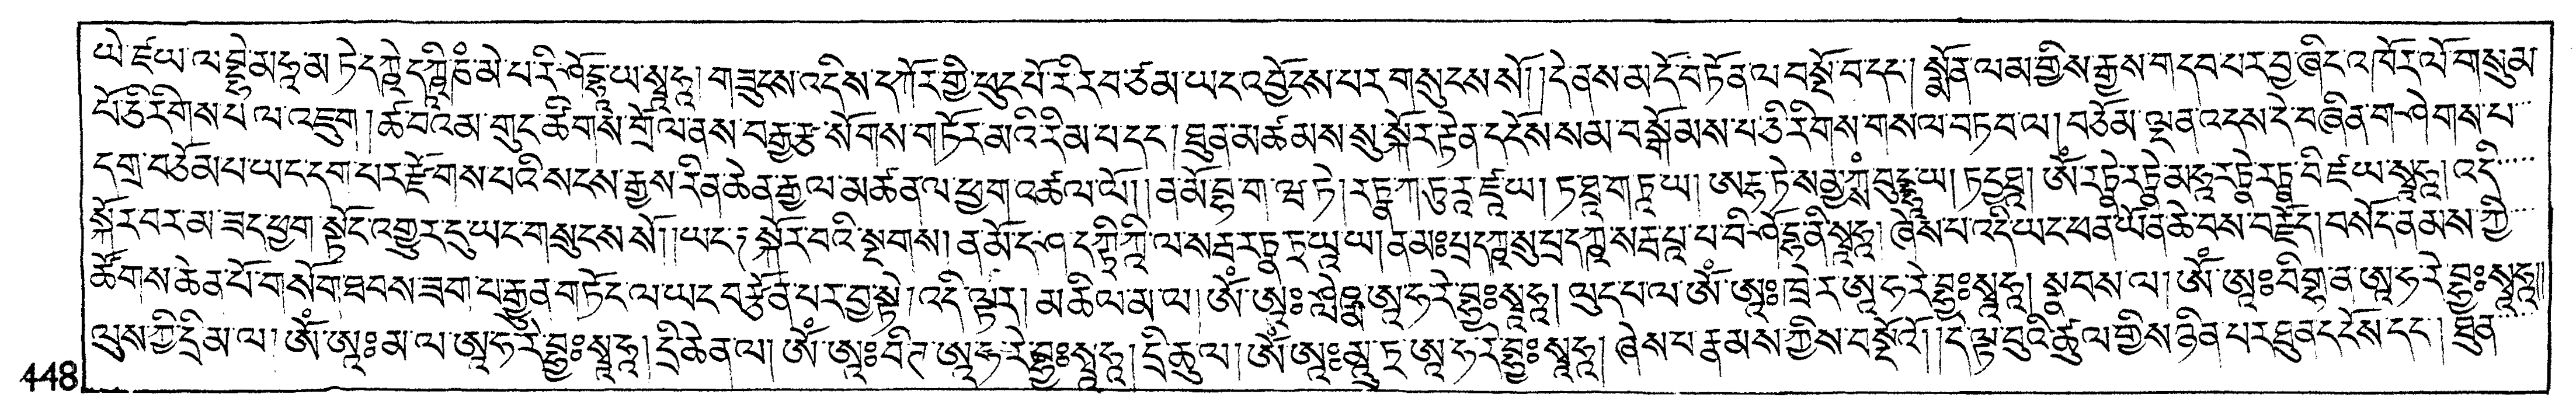ཡེ་ཛ་ཡ་ལབདྷེ་མཧཱ་མ་ཏེ་དཀྵེ་ཎྡཀྵེ་ཎཾ་མེ་པ་རི་ཤོདྷཱ་ཡ་སྭཱཧཱ། གཟུངས་འདིས་དཀོར་གྱི་ཕུང་པོ་རི་རབ་ཙམ་ཡང་འབྱོངས་པར་གསུངས་སོ། །དེ་ནས་མདོ་བཏོན་ལ་བསྔོ་བ་དང་། སྨོན་ལམ་གྱིས་རྒྱས་གདབ་པར་བྱ་ཞིང་འཁོར་ལོ་གསུམ་
པོ་ཅི་རིགས་པ་ལ་འཇུག །ཚ་བའམ་གུང་ཚིགས་གྲོལ་ནས་བརྒྱ་རྩ་སོགས་གཏོར་མའི་རིམ་པ་དང་། ཐུན་མཚམས་སུ་སྐོར་རྟེན་དངོས་སམ་བསྒོམས་པ་ཅི་རིགས་གསལ་བཏབ་ལ། བཅོམ་ལྡན་འདས་དེ་བཞིན་གཤེགས་པ་
དགྲ་བཅོམ་པ་ཡང་དག་པར་རྫོགས་པའི་སངས་རྒྱས་རིན་ཆེན་རྒྱལ་མཚན་ལ་ཕྱག་འཚལ་ལོ། །ན་མོ་བྷ་ག་ཝ་ཏེ། རཏྣ་ཀ་ཏུ་རཱ་ཛཱ་ཡ། ཏ་ཐཱ་ག་ཏཱ་ཡ། ཨརྷ་ཏེ་སམྱཀྶཾ་བུདྡྷཱ་ཡ། ཏ་དྱ་ཐཱ། ཨོཾ་རཏྣེ་རཏྣེ་མཧཱ་རཏྣེ་རཏྣ་བི་ཛ་ཡ་སྭཱཧཱ། འདི་
སྐོར་བར་མ་ཟད་ཕྱག་སྟོང་འགྱུར་དུ་ཡང་གསུངས་སོ། །ཡང༑ སྐོར་བའི་སྔགས། ན་མོ་ད་ཤ་དཀྟྲི་ཀཱི་ལ་སརྦ་རཏྣ་ཏྲ་ཡཱ་ཡ། ན་མཿ པྲ་དཀྵ་སུ་པྲ་དཀྵ་སརྦ་པཱ་པ་བི་ཤོ་དྷ་ནི་སྭཱཧཱ། ཞེས་པ་འདི་ཡང་ཕན་ཡོན་ཆེ་བས་བརྗོད། བསོད་ནམས་ཀྱི་
ཚོགས་ཆེན་པོ་གསོག་ཐབས་ཟག་པ་རྒྱུན་གཏོང་ལ་ཡང་བརྩོན་པར་བྱ་སྟེ། འདི་ལྟར། མཆིལ་མ་ལ། ཨོཾ་ཨཱཿ ཤླེཥྨ་ཨཱ་ཧ་རེ་བྷྱཿ སྭཱཧཱ། ལུད་པ་ལ་ཨོཾ་ཨཱཿ ཁྲེ་ར་ཨཱ་ཧ་རེ་བྷྱཿ སྭཱཧཱ། སྣབས་ལ། ཨོཾ་ཨཱཿ བིགྷ་ན་ཨཱ་ཧ་རེ་བྷྱཿ སྭཱཧཱ།།
ལུས་ཀྱི་དྲི་མ་ལ། ཨོཾ་ཨཱཿ མ་ལ་ཨཱ་ཧ་རེ་བྷྱཿ སྭཱཧཱ། དྲི་ཆེན་ལ། ཨོཾ་ཨཱཿ བི་ཊ་ཨཱ་ཧ་རེ་བྷྱཿ སྭཱཧཱ། དྲི་ཆུ་ལ། ཨོཾ་ཨཱཿ མཱུ་ཏྲ་ཨཱ་ཧ་རེ་བྷྱཿ སྭཱཧཱ། ཞེས་པ་རྣམས་ཀྱི་བསྔོའོ། །དེ་ལྟ་བུའི་ཚུལ་གྱིས་ཉིན་པར་ཐུན་དངོས་དང་། ཐུན་